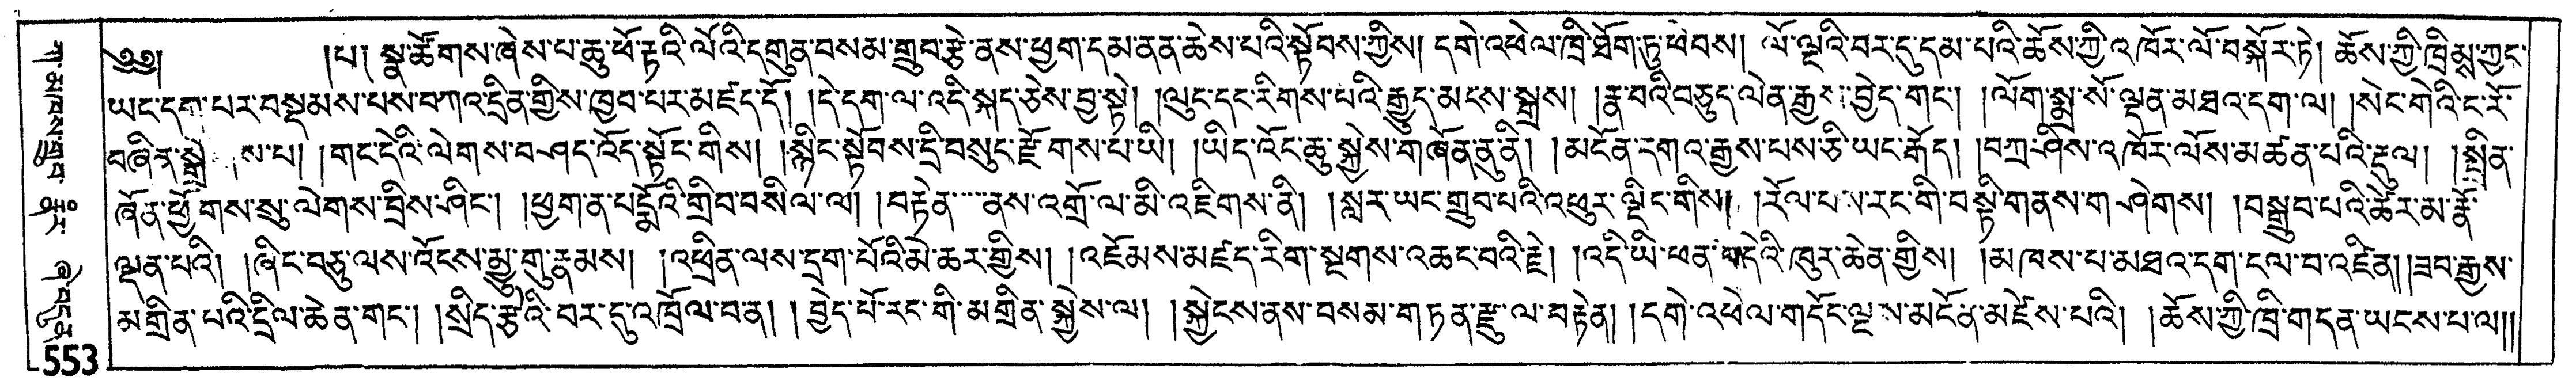༄༅། །པ༑ སྣ་ཚོགས་ཞེས་པ་ཆུ་ཕོ་རྟའི་ལོའི་དགུན་བསམ་གྲུབ་རྩེ་ནས་ཕྱག་དམ་ནན་ཆེས་པའི་སྟོབས་ཀྱིས། དགེ་འཕེལ་ཁྲི་ཐོག་ཏུ་ཕེབས། ལོ་ལྔའི་བར་དུ་དམ་པའི་ཆོས་ཀྱི་འཁོར་ལོ་བསྐོར་ཏེ། ཆོས་ཀྱི་ཁྲིམས་ཀྱང་
ཡང་དག་པར་བསྡམས་པས་བཀའ་དྲིན་གྱིས་ཁྱབ་པར་མཛད་དོ། །དེ་དག་ལ་འདི་སྐད་ཅེས་བྱ་སྟེ། །ལུང་དང་རིགས་པའི་རྒྱུད་མངས་སྒྲས། །རྣ་བའི་བཅུད་ལེན་རྒྱས་བྱེད་གང་། །ལོག་སྨྲ་སོ་ལྡན་མཐའ་དག་ལ། །སེང་གེའི་ང་རོ་
བཞིན་སྒྲོགས་པ། །གང་དེའི་ལེགས་བཤད་འོད་སྟོང་གིས། །སྙིང་སྟོབས་དྲི་བསུང་རྫོགས་པ་ཡི། །ཡིད་འོང་ཆུ་སྐྱེས་གཞོན་ནུ་ནི། །མངོན་དགའ་རྒྱས་པས་ཅི་ཡང་རྒོད། །བཀྲ་ཤིས་འཁོར་ལོས་མཚན་པའི་རྡུལ། །སྤྲིན་
ཞོན་ཕྱོགས་སུ་ལེགས་བྲིས་ཤིང་། །ཕྱག་ན་པདམོའི་གྲིབ་བསིལ་ལ། །བརྟེན་ནས་འགྲོ་ལ་མི་འཇིགས་ནི། །སླར་ཡང་གྲུབ་པའི་འཕུར་ལྡིང་གིས། །རོལ་པས་རང་གི་བསྟི་གནས་གཤེགས། །བསྒྲུབ་པའི་ཚེར་མ་རྣོ་
ལྡན་པའི། །ཞིང་བཅུ་ལས་འོངས་མྱུ་གུ་རྣམས། །འཕྲིན་ལས་དྲག་པོའི་མེ་ཆར་གྱིས། །འཇོམས་མཛད་རིག་སྔགས་འཆང་བའི་རྗེ། །འདི་ཡི་ཕན་བདེའི་ཁུར་ཆེན་གྱིས། །མཁས་པ་མཐའ་དག་ངལ་བ་འཛིན། །ཟབ་རྒྱས་
མགྲིན་པའི་དྲིལ་ཆེན་གང་། །སྲིད་རྩེའི་བར་དུ་འཁྲོལ་བ་ན། །བྱེད་པོ་རང་གི་མགྲིན་སྐྱེས་ལ། །སྐྱེངས་ནས་བསམ་གཏང་རྫུ་ལ་བརྟེན། །དགེ་འཕེལ་གདོང་ལྔས་མངོན་མཛེས་པའི། །ཆོས་ཀྱི་ཁྲི་གདན་ཡངས་པ་ལ། །